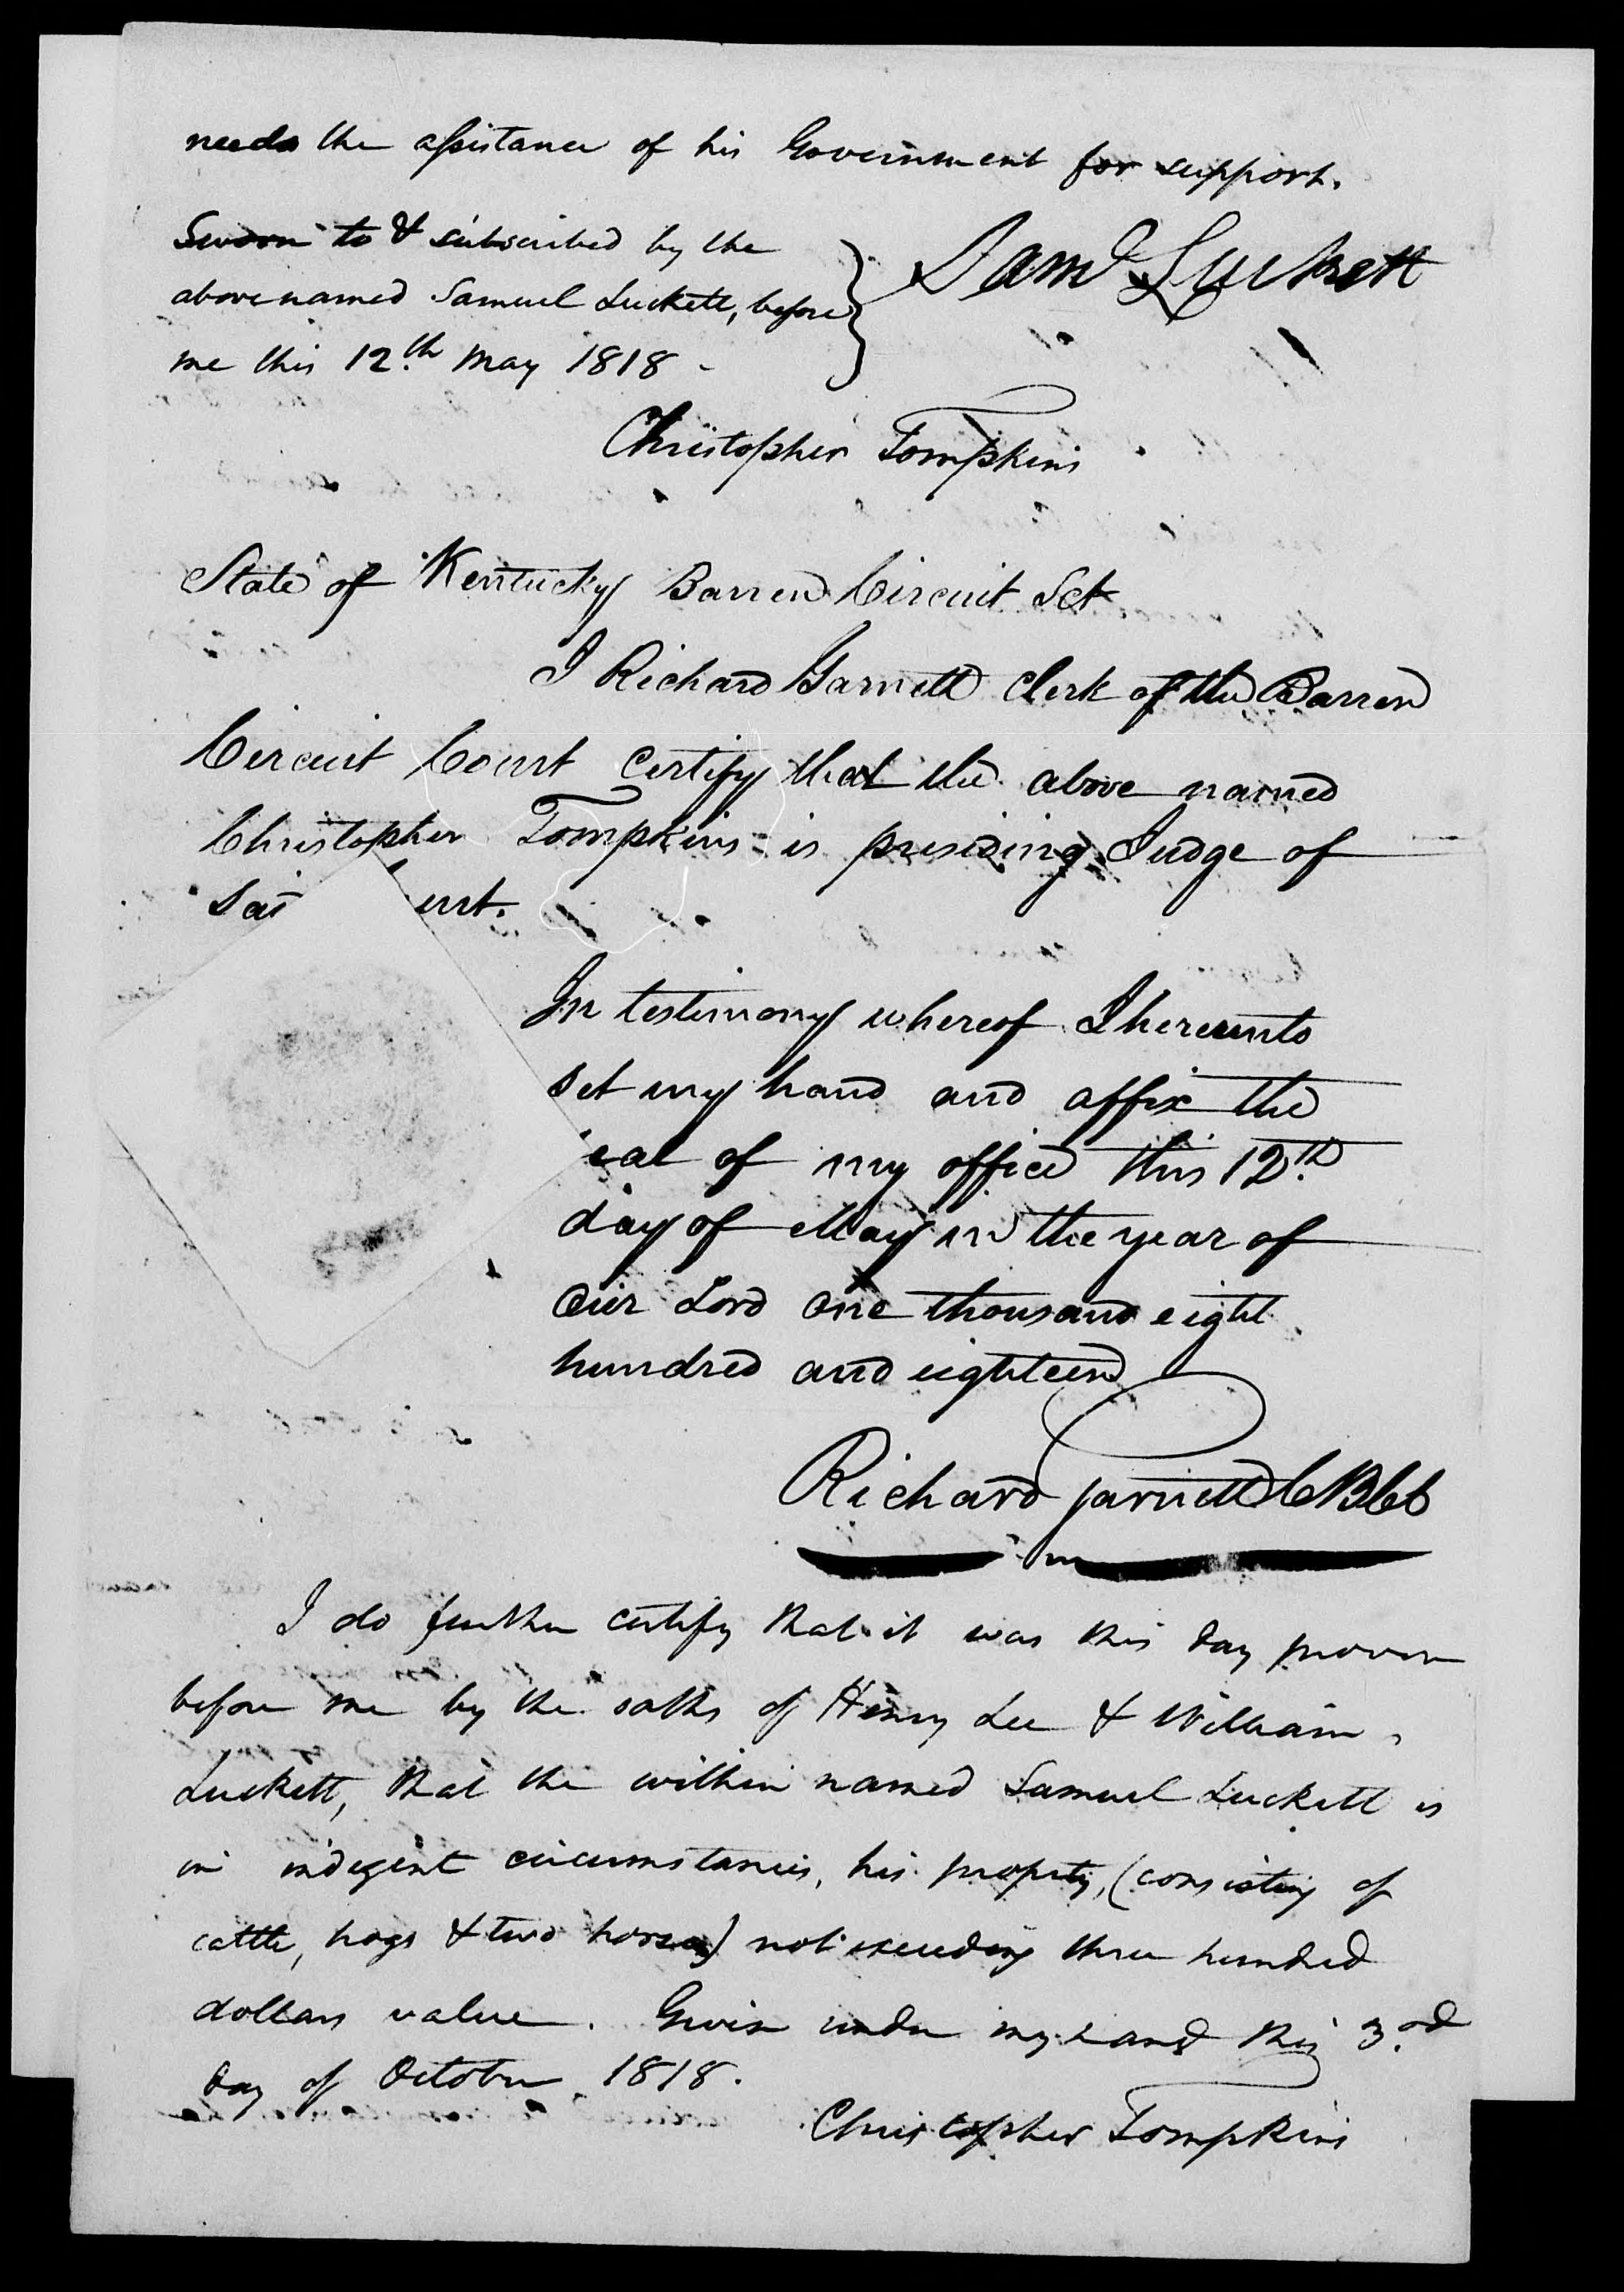needs the assistance of his government for support.

Saml Luckett

Sworn to & subscribed by the above-named Samuel Luckett before me this 12th May 1818.

Christopher Tompkins

State of Kentucky, Barren Circuit Set

I Richard Garnett Clerk of the Barren Circuit Court certify that the above named Christopher Tompkins is presiding Judge of said court.

In testimony whereof I hereunto set my hand and affix the seal of my office this 12th day of May in the year of our Lord one thousand eight hundred and eighteen.

SEAL

Richard Garnett - C B C C

I do further certify that it was this day proven before me by the rolls oaths of Henry Lee & William Luckett that the within named Samuel Luckett is in indigent circumstances, his property (consisting of cattle, hogs, & two horses) not exceeding three hundred dollars value. Given under my hand this 3rd day of October 1818.

Christopher Tompkins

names: William Luckett; Richard Garnett; Saml Luckett; Henry Lee; Christopher Tompkins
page: 9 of 34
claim: survivor's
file: S. 36,051, for Samuel Luckett, Maryland